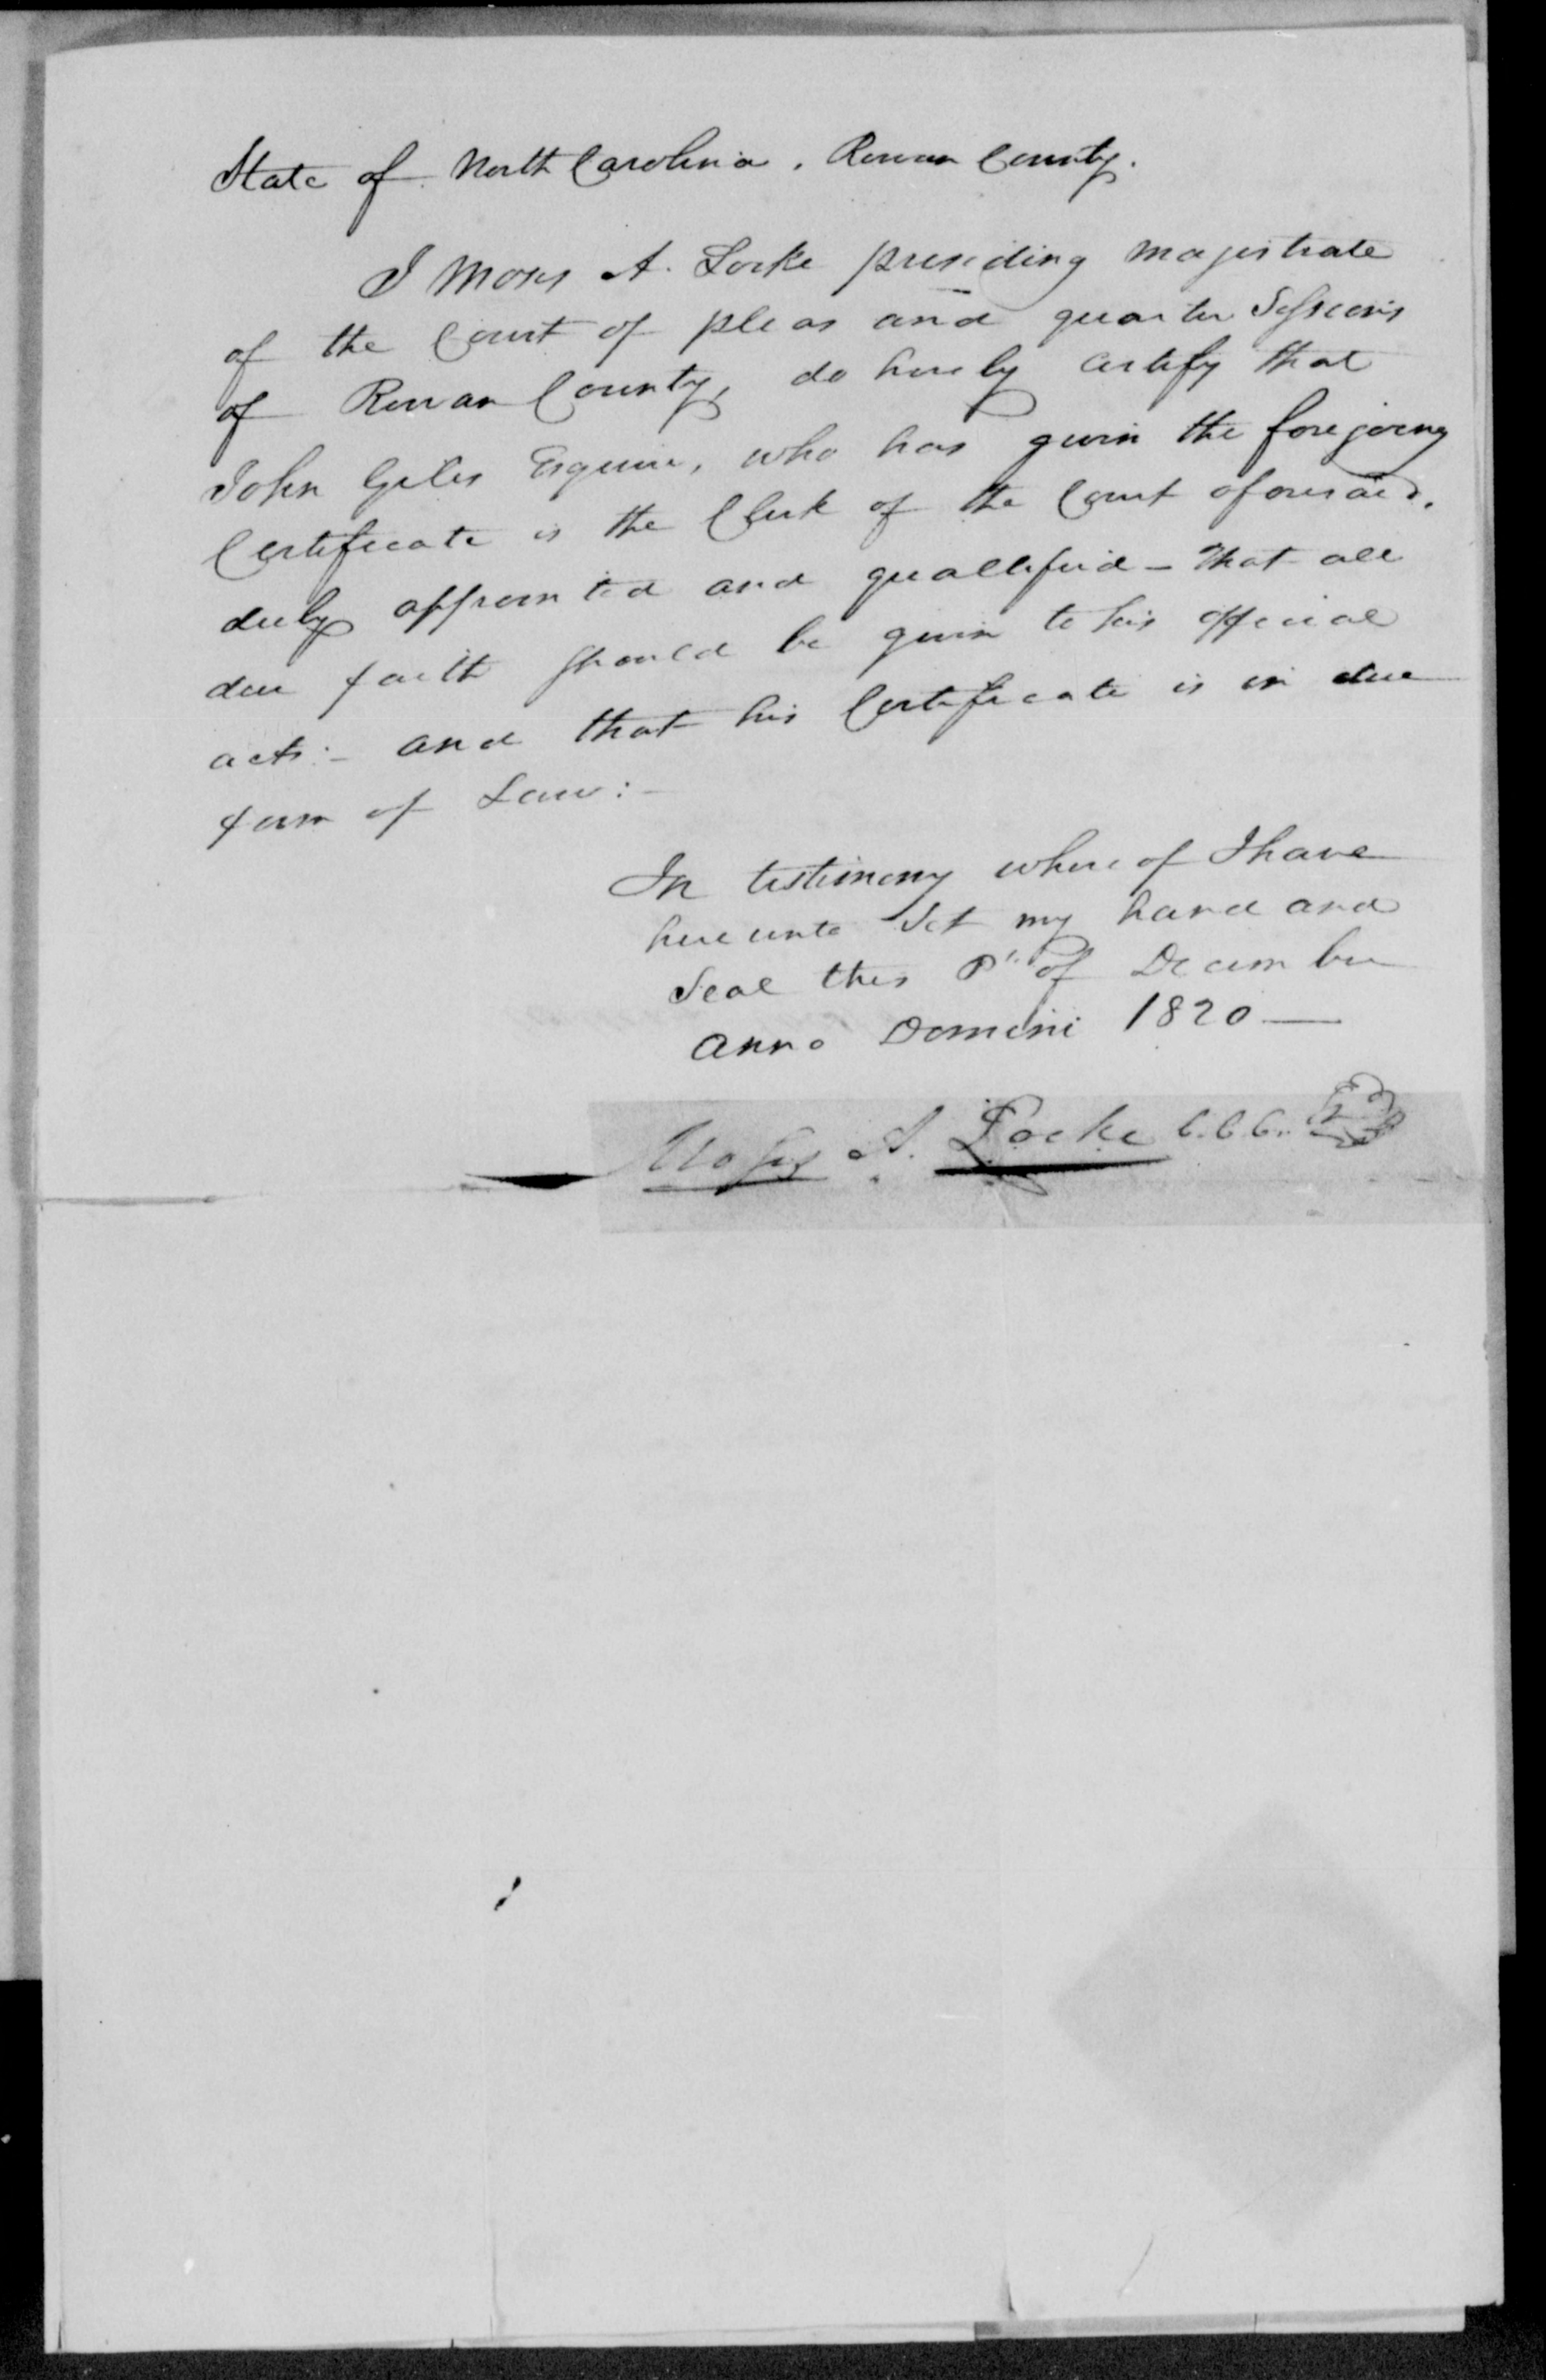State of North Carolina, Rowan County.
I Moses A. Lock presiding magistrate
of the Court of pleas and quarter Sessions
of Rowan County, do hereby certify that
John Giles Esquire, who has given the foregoing
Certificate is the Clerk of the Court aforesaid
duly appointed and quallified, that all
due faith should be given to his official
acts: and that his certificate is in due
form of Law:
In testimony whereof I have
here unto set my hand and
Seal this 9th of December
Anno Domini 1.CC820-
Moses A. Locke C.C.C.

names: John Giles, Moses A Locke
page: 12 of 12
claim: survivor's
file: S. 42060, William West, Md.